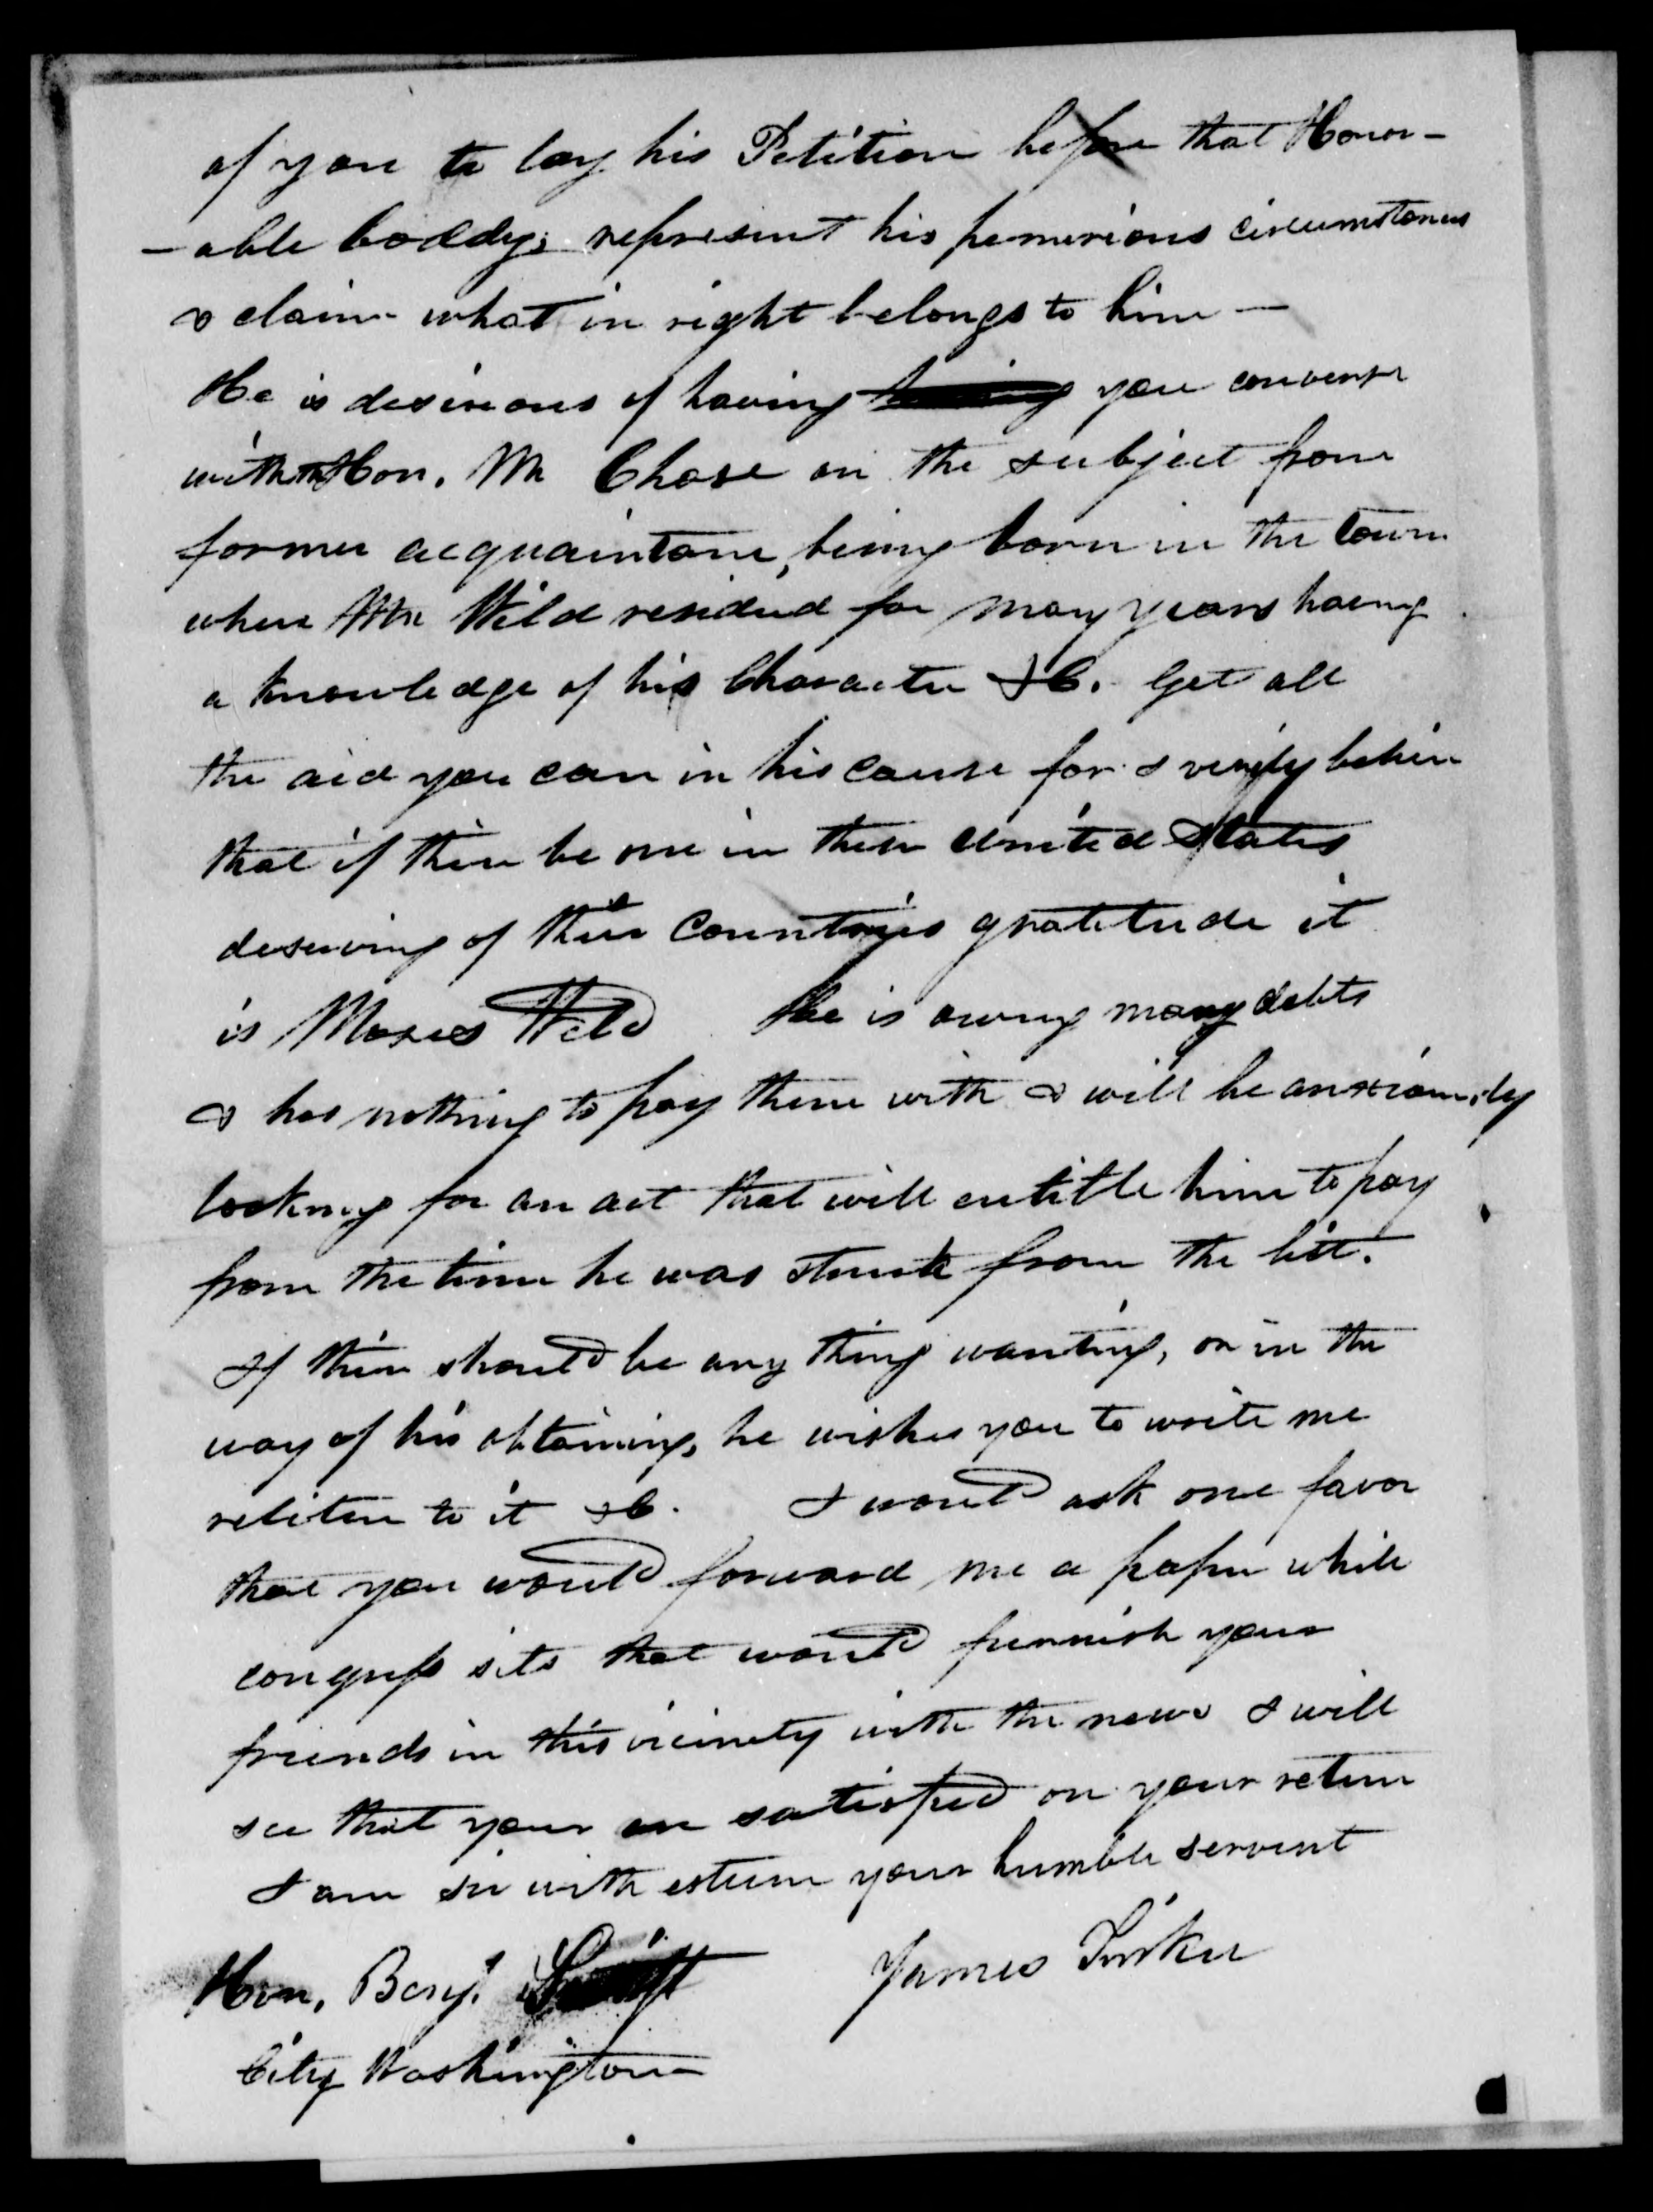of you to lay his Petition before that honorable boddy; represent his penurious circumstances
& claim what in right belongs to him-
He is desirous of having you converse with the Hon. M. Chase on the subject from former acquaintance, being born in the town
when Mr. Weld resided for many years having
a knowledge of his Character & get all
the aid you can in his cause for [d verify behin]? that if there be one in these United States deserving of their countries gratitude it is Moses Weld.  He is owing many debts & has nothing to pay them with & will be anxiously looking for an act that will entitle him to pay from the time he was struck from the list.
If there should be any thing wanting, or in the
way of his obtaining, he wishes you to write me [relitive]? to it.  I would ask one favor that you would forward me a paper while
congress sits that would furnish your
friends in this vicinity with the news  I will
see that your an satisfied on your return
I am sir with esteem your humble servant
Hon Benj Swift     James Tucker
City Washington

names: Moses Weld, James Tinker, Wild, Benj Swift, Chose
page: 52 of 87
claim: widow's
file: W. 25,966, Moses Weld, Mass.